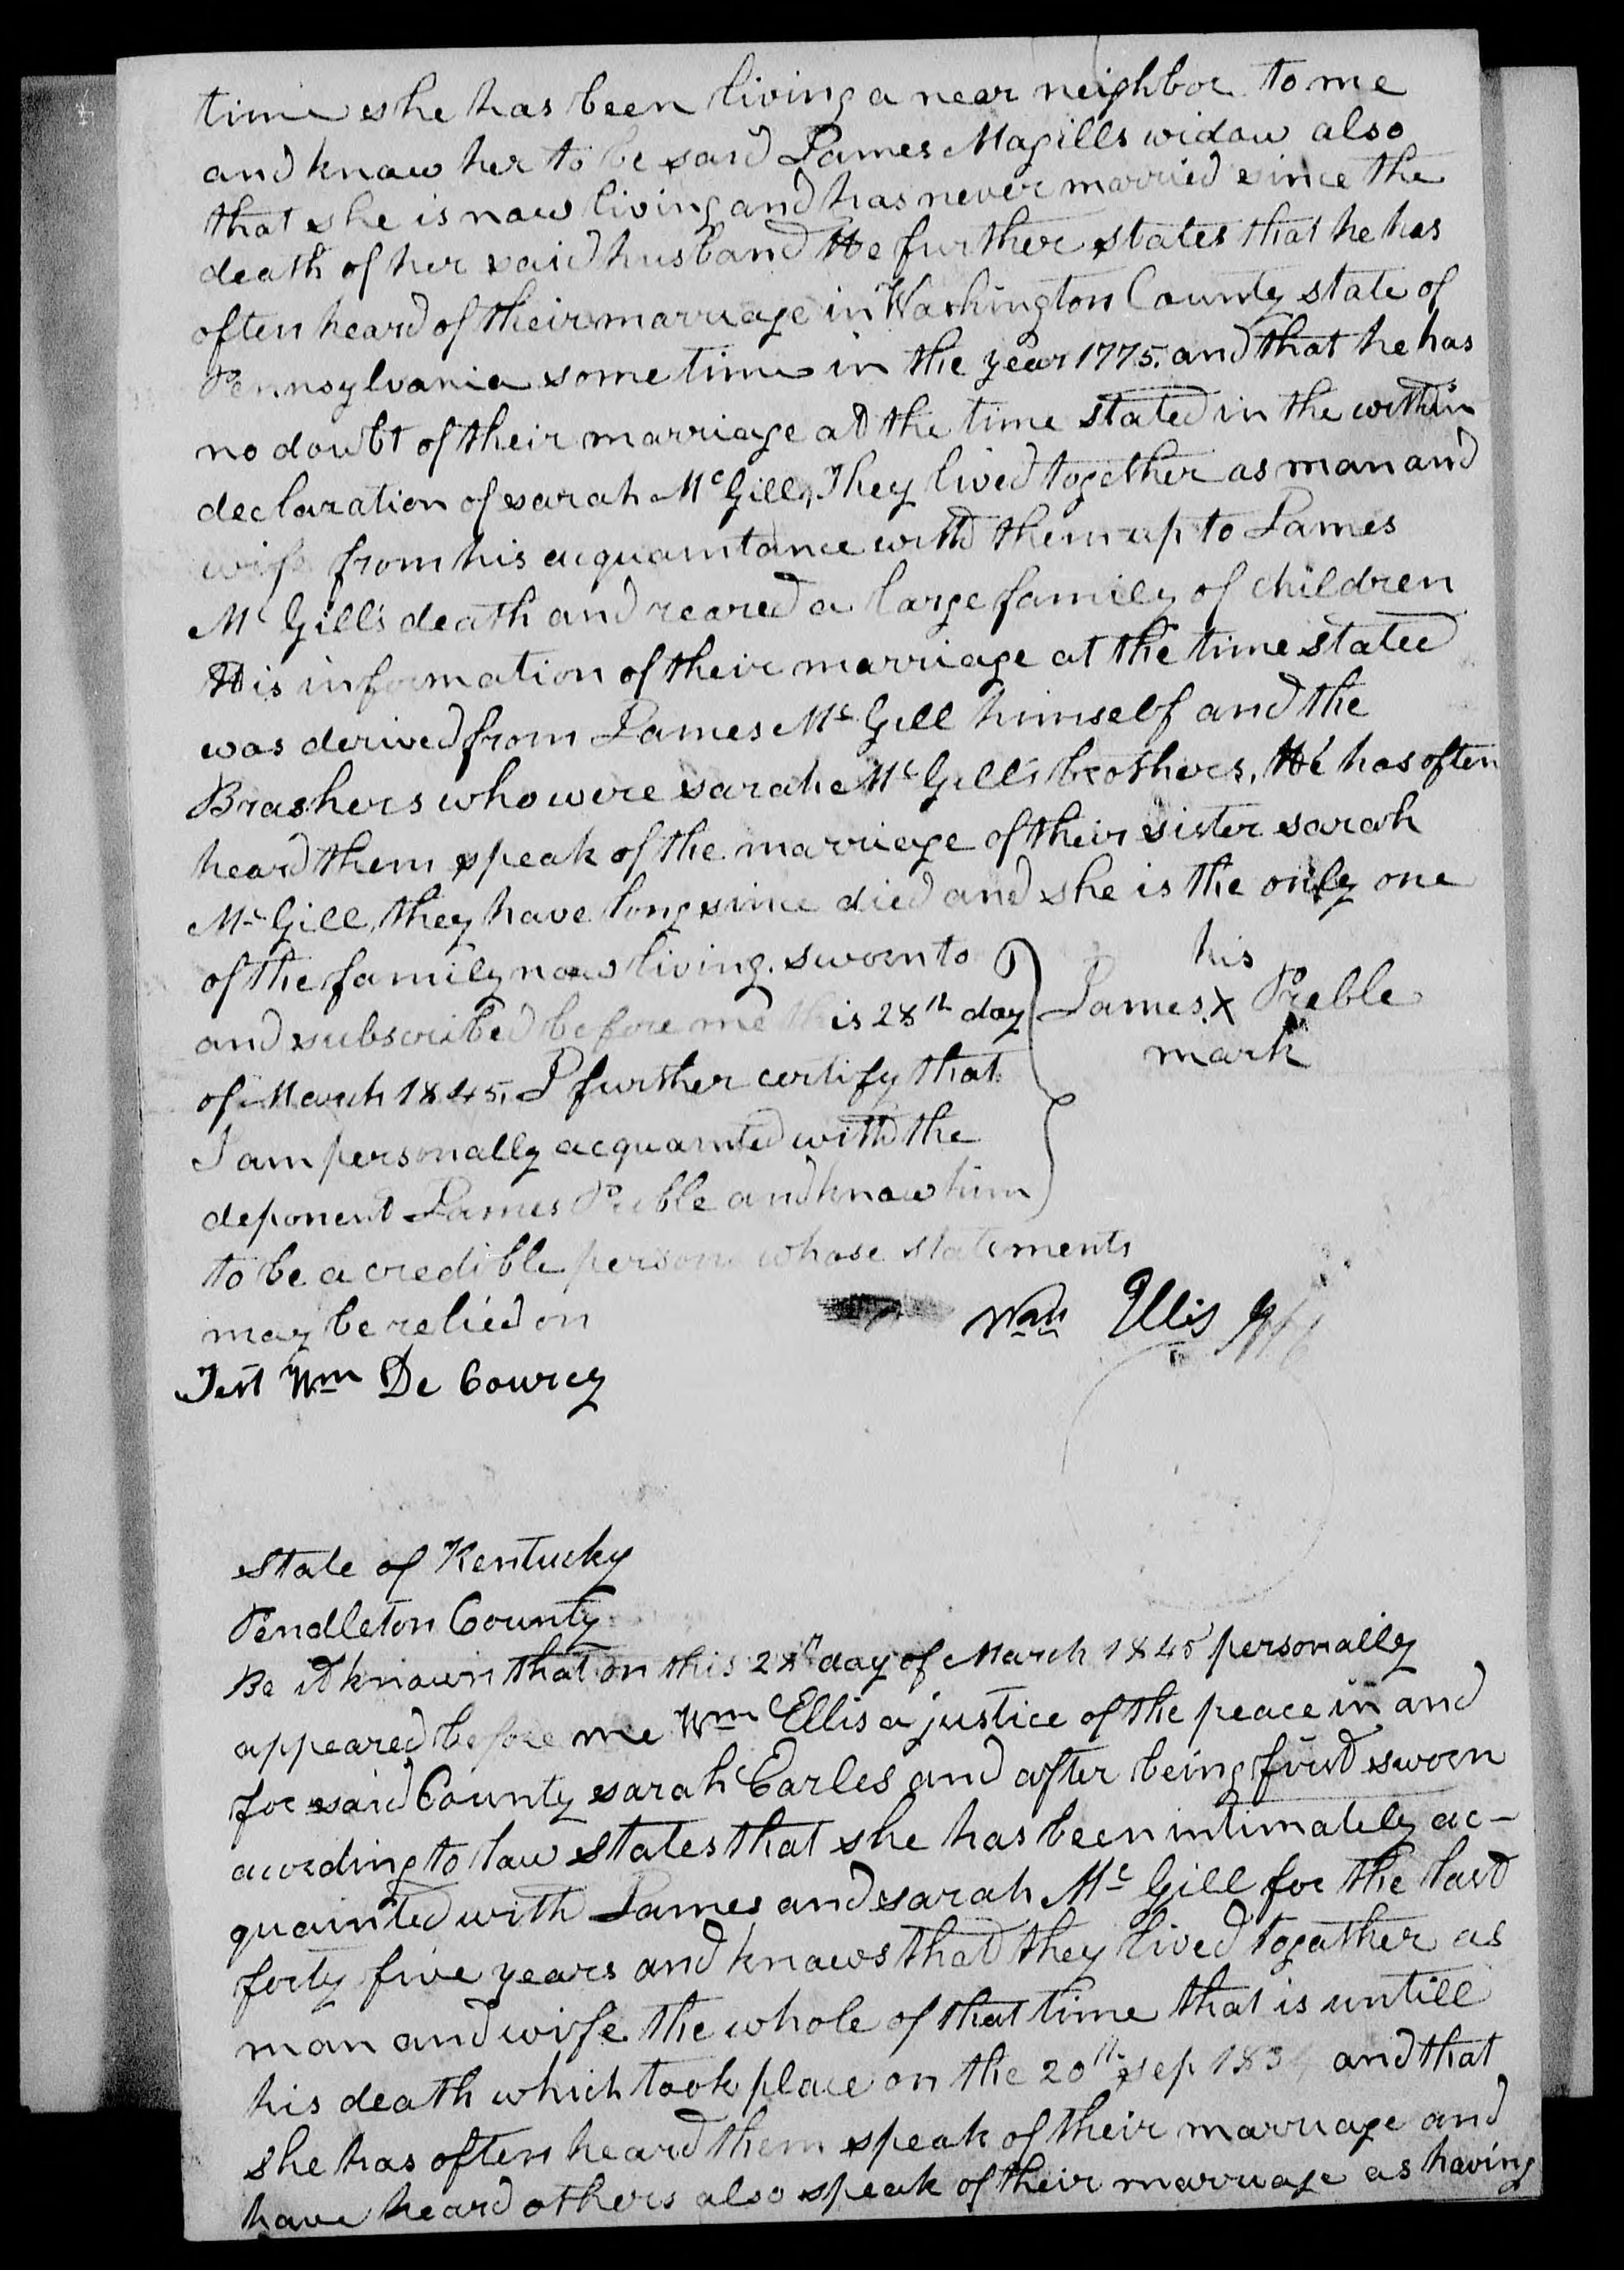Image 101   4160873_00101                          Fold3 File #23857267
[continued from image 100]

time she has been living a near neighbor to me and know her to be said James McGills [McGill’s] widow also that she is now living and has never married since the death of her said husband. He further states that he has often heard of their marriage in Washington County state of Pennsylvania sometime in the year 1775, and that he has no doubt of their marriage at the time stated in the within declaration of sarah McGill, They lived together as man and wife from his acquaintance with them up to James McGill's death and reared a large family of children  His information of their marriage at the time stated was derived from James McGill himself and the Brashers [Brashears] who were Sarah McGill's brothers. He has often heard them speak of the marriage of their sister sarah McGill, they have long since died and she is the only one of the family now living. Sworn to and subscribed before me this 28th day of March 1845.  James Preble [his mark]
I further certify that I am personally acquainted with the deponent James Preble and know him to be a credible person whose statements may be relied on.  
State of Kentucky Pendleton County    
Test  Wm De Courcy 
Wm Ellis  GPPC  [Seal]

Be it known that on this 29th day of March 1845 personally appeared before me, Wm Ellis a justice of the peace in and for said county, Sarah Earles and after being first sworn according to law states that she has been intimately acquainted with James and Sarah McGill for the past forty-five years and knows that they lived together as man and wife the whole of that time that is untill [until] his death which took place on the 20th Sep 1834 and that she has often heard them speak of their marriage and have heard others also speak of their marriage as having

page: 43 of 71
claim: widow's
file: W. 8428, for James Mc Gill, Pennsylvania